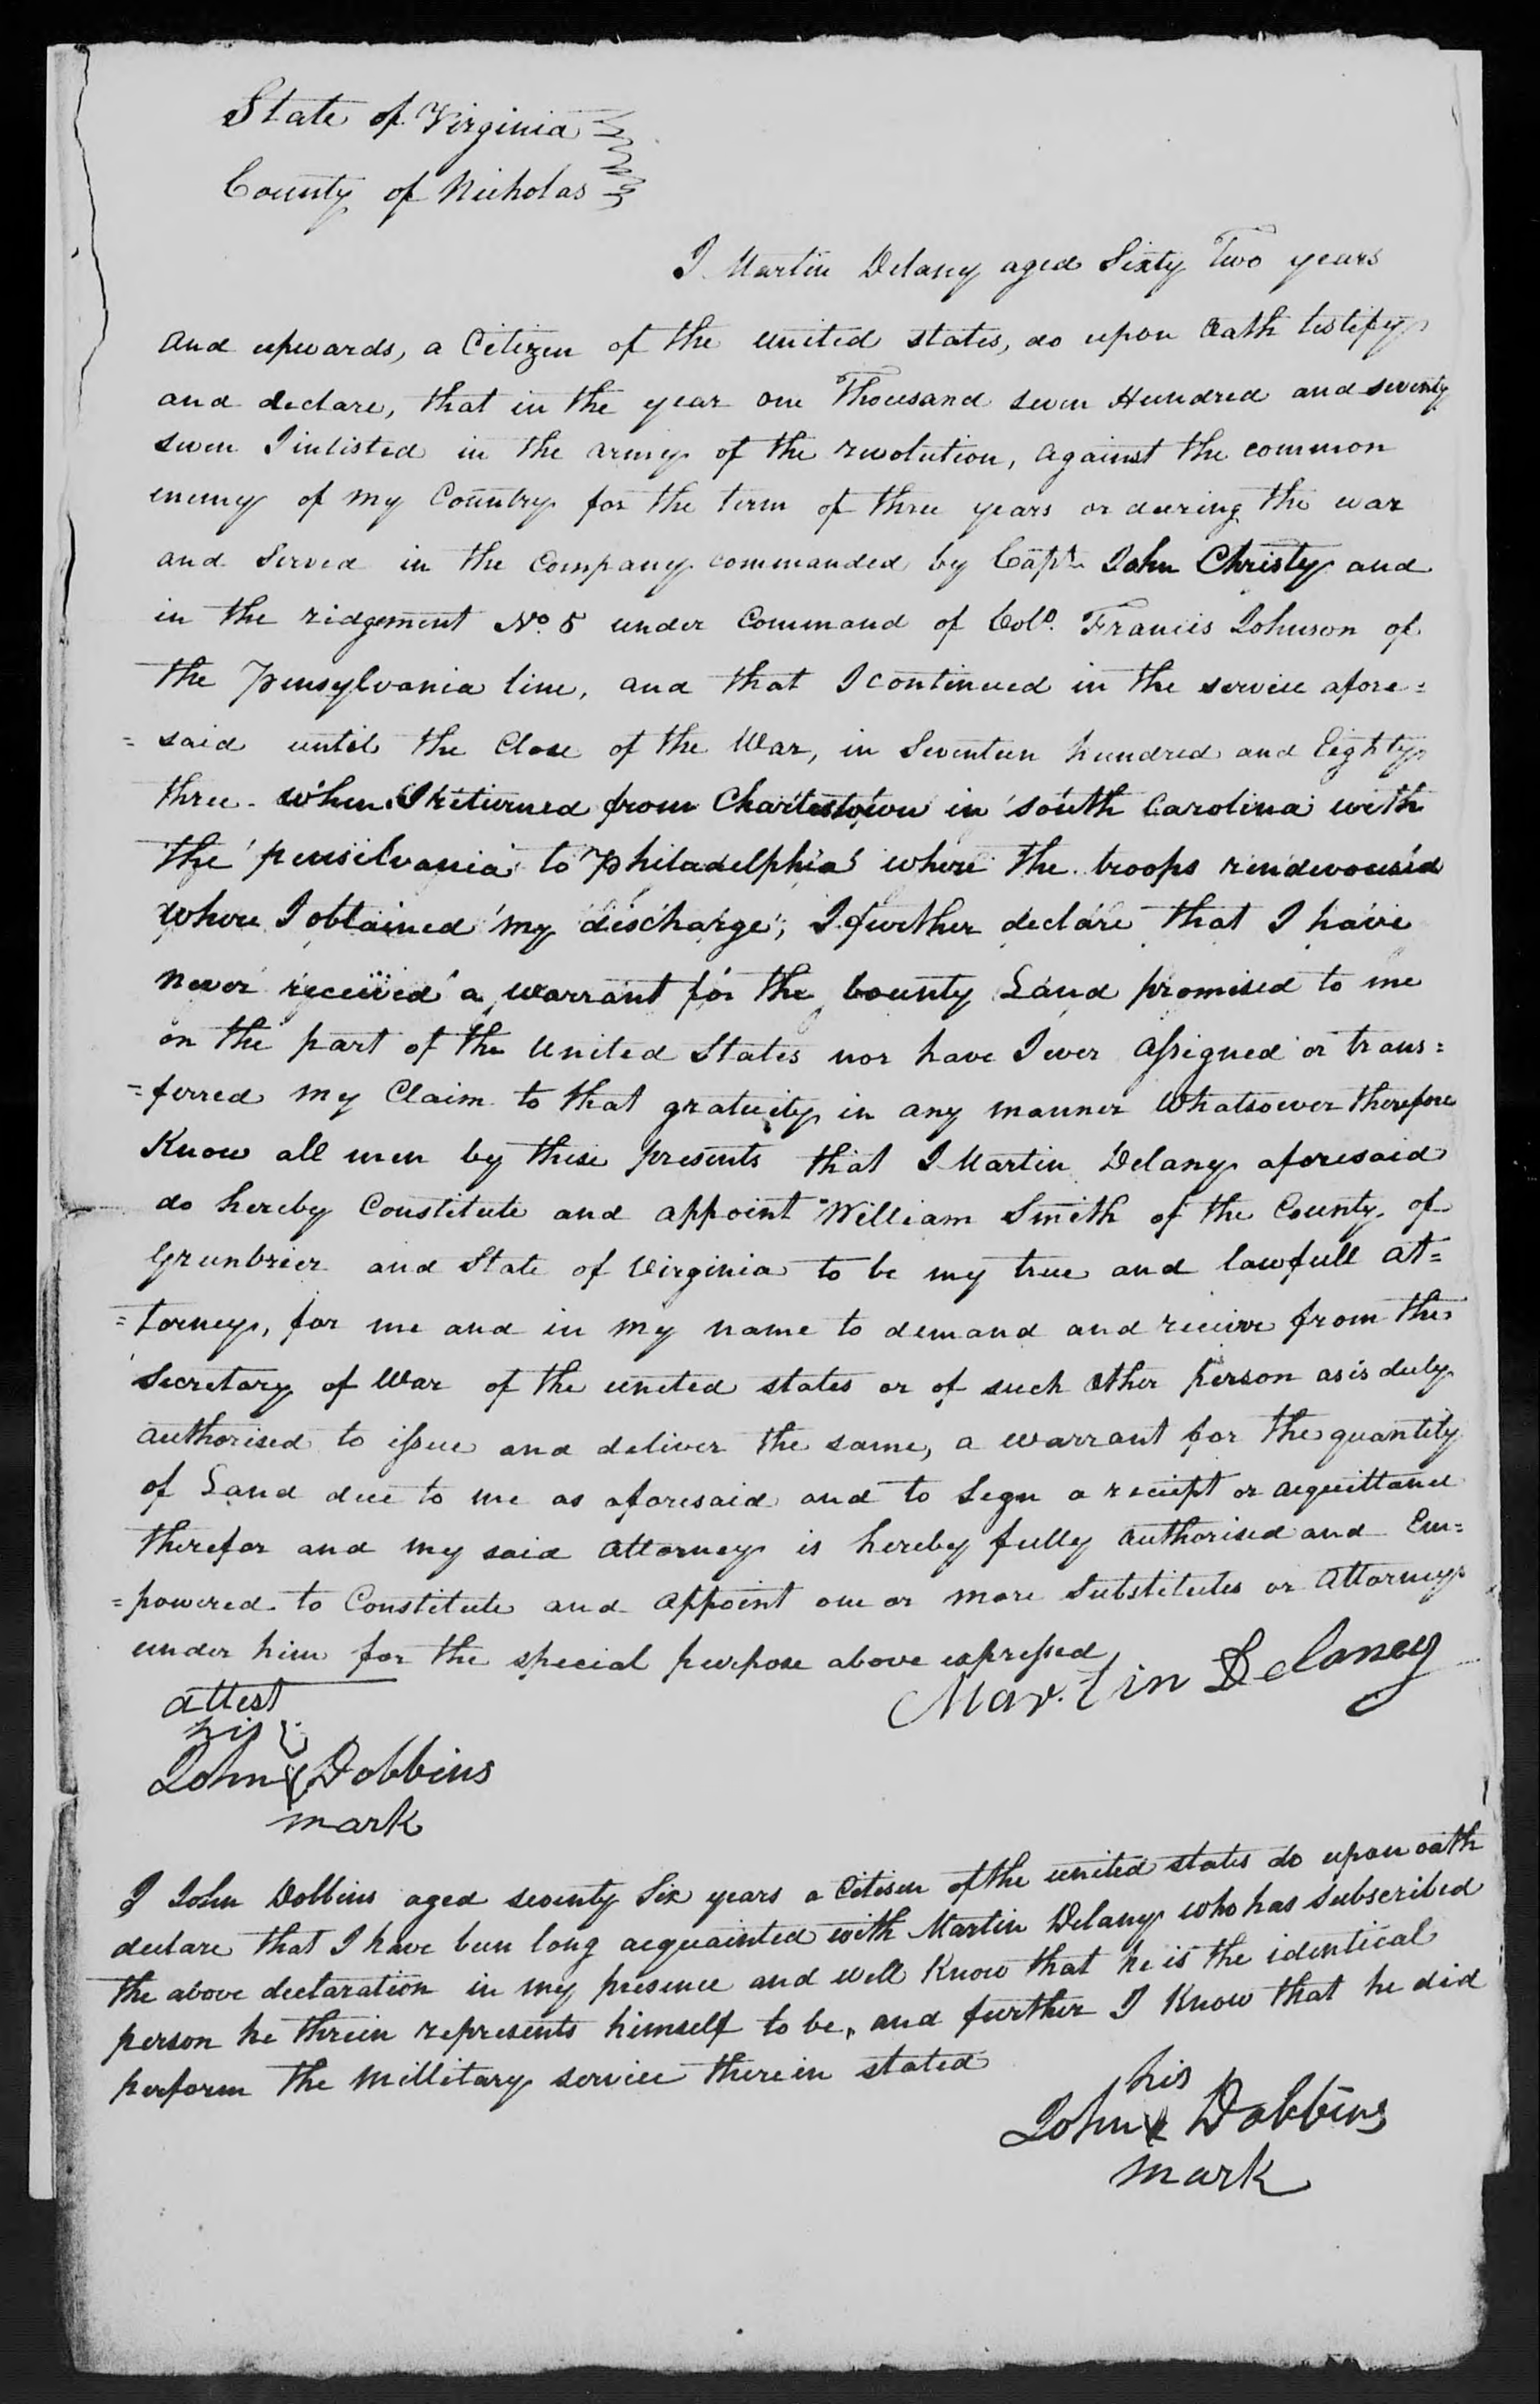State of Virginia
County of Nicholas

I, Martin Delaney, aged sixty-two years and upwards, a citizen of the United States, as upon oath testify and declare that in the year one thousand seven hundred and seventy-seven I enlisted in the army of the Revolution, against the common enemy of my country for the term of three years or during the war, and served in the company commanded by Captain John Christy and in the regiment No. 5 under command of Col. Francis Johnson of the Pennsylvania Line, and I that I continued in the service aforesaid until the close of the war in seventeen hundred and eighty-three when I returned from Charlestown in South Carolina with the (illegible) to Philadelphia where the troops rendezvoused where I obtained my discharge. 

I further declare that I have never received a warrant for the bounty land promised to me on the part of the United States nor have I ever assigned or transferred my claim to that gratuity in any manner whatsoever, therefore know all men by these presents that I, Martin Delaney aforesaid, do hereby constitute and appoint William Smith of the county of Greenbrier and state of Virginia to be my true and lawful attorney, for me and in my name to demand and receive from the Secretary of War of the United States or of such other person as is duly authorized to issue and deliver the same, a warrant for the quantity of land due to me as aforesaid and to sign a receipt or acquittance-power to constitute and appoint one or more substitutes or attorneys under him for the special purpose above expressed.  
Signed:  Martin Delaney

Attest
viz
John (his X mark) Dobbins

I, John Dobbins, aged seventy-six years, a citizen of the United States do upon oath declare that I have been long acquainted with Martin Delaney, who has subscribed the above declaration in my presence and well know that he is the identical person he therein represents himself to be, and further I know that he did perform the military service therein stated.
Signed:  John (his X mark) Dobbins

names: John Dobbins, Martin Delany, Martin Delany, John Dobbins, Francis Johnson, Martin Delaney, John Christy, Martin Delany, William Smith, John Dobbins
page: 5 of 22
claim: survivor's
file: S. 3,9425, Martin Delany, Penn.